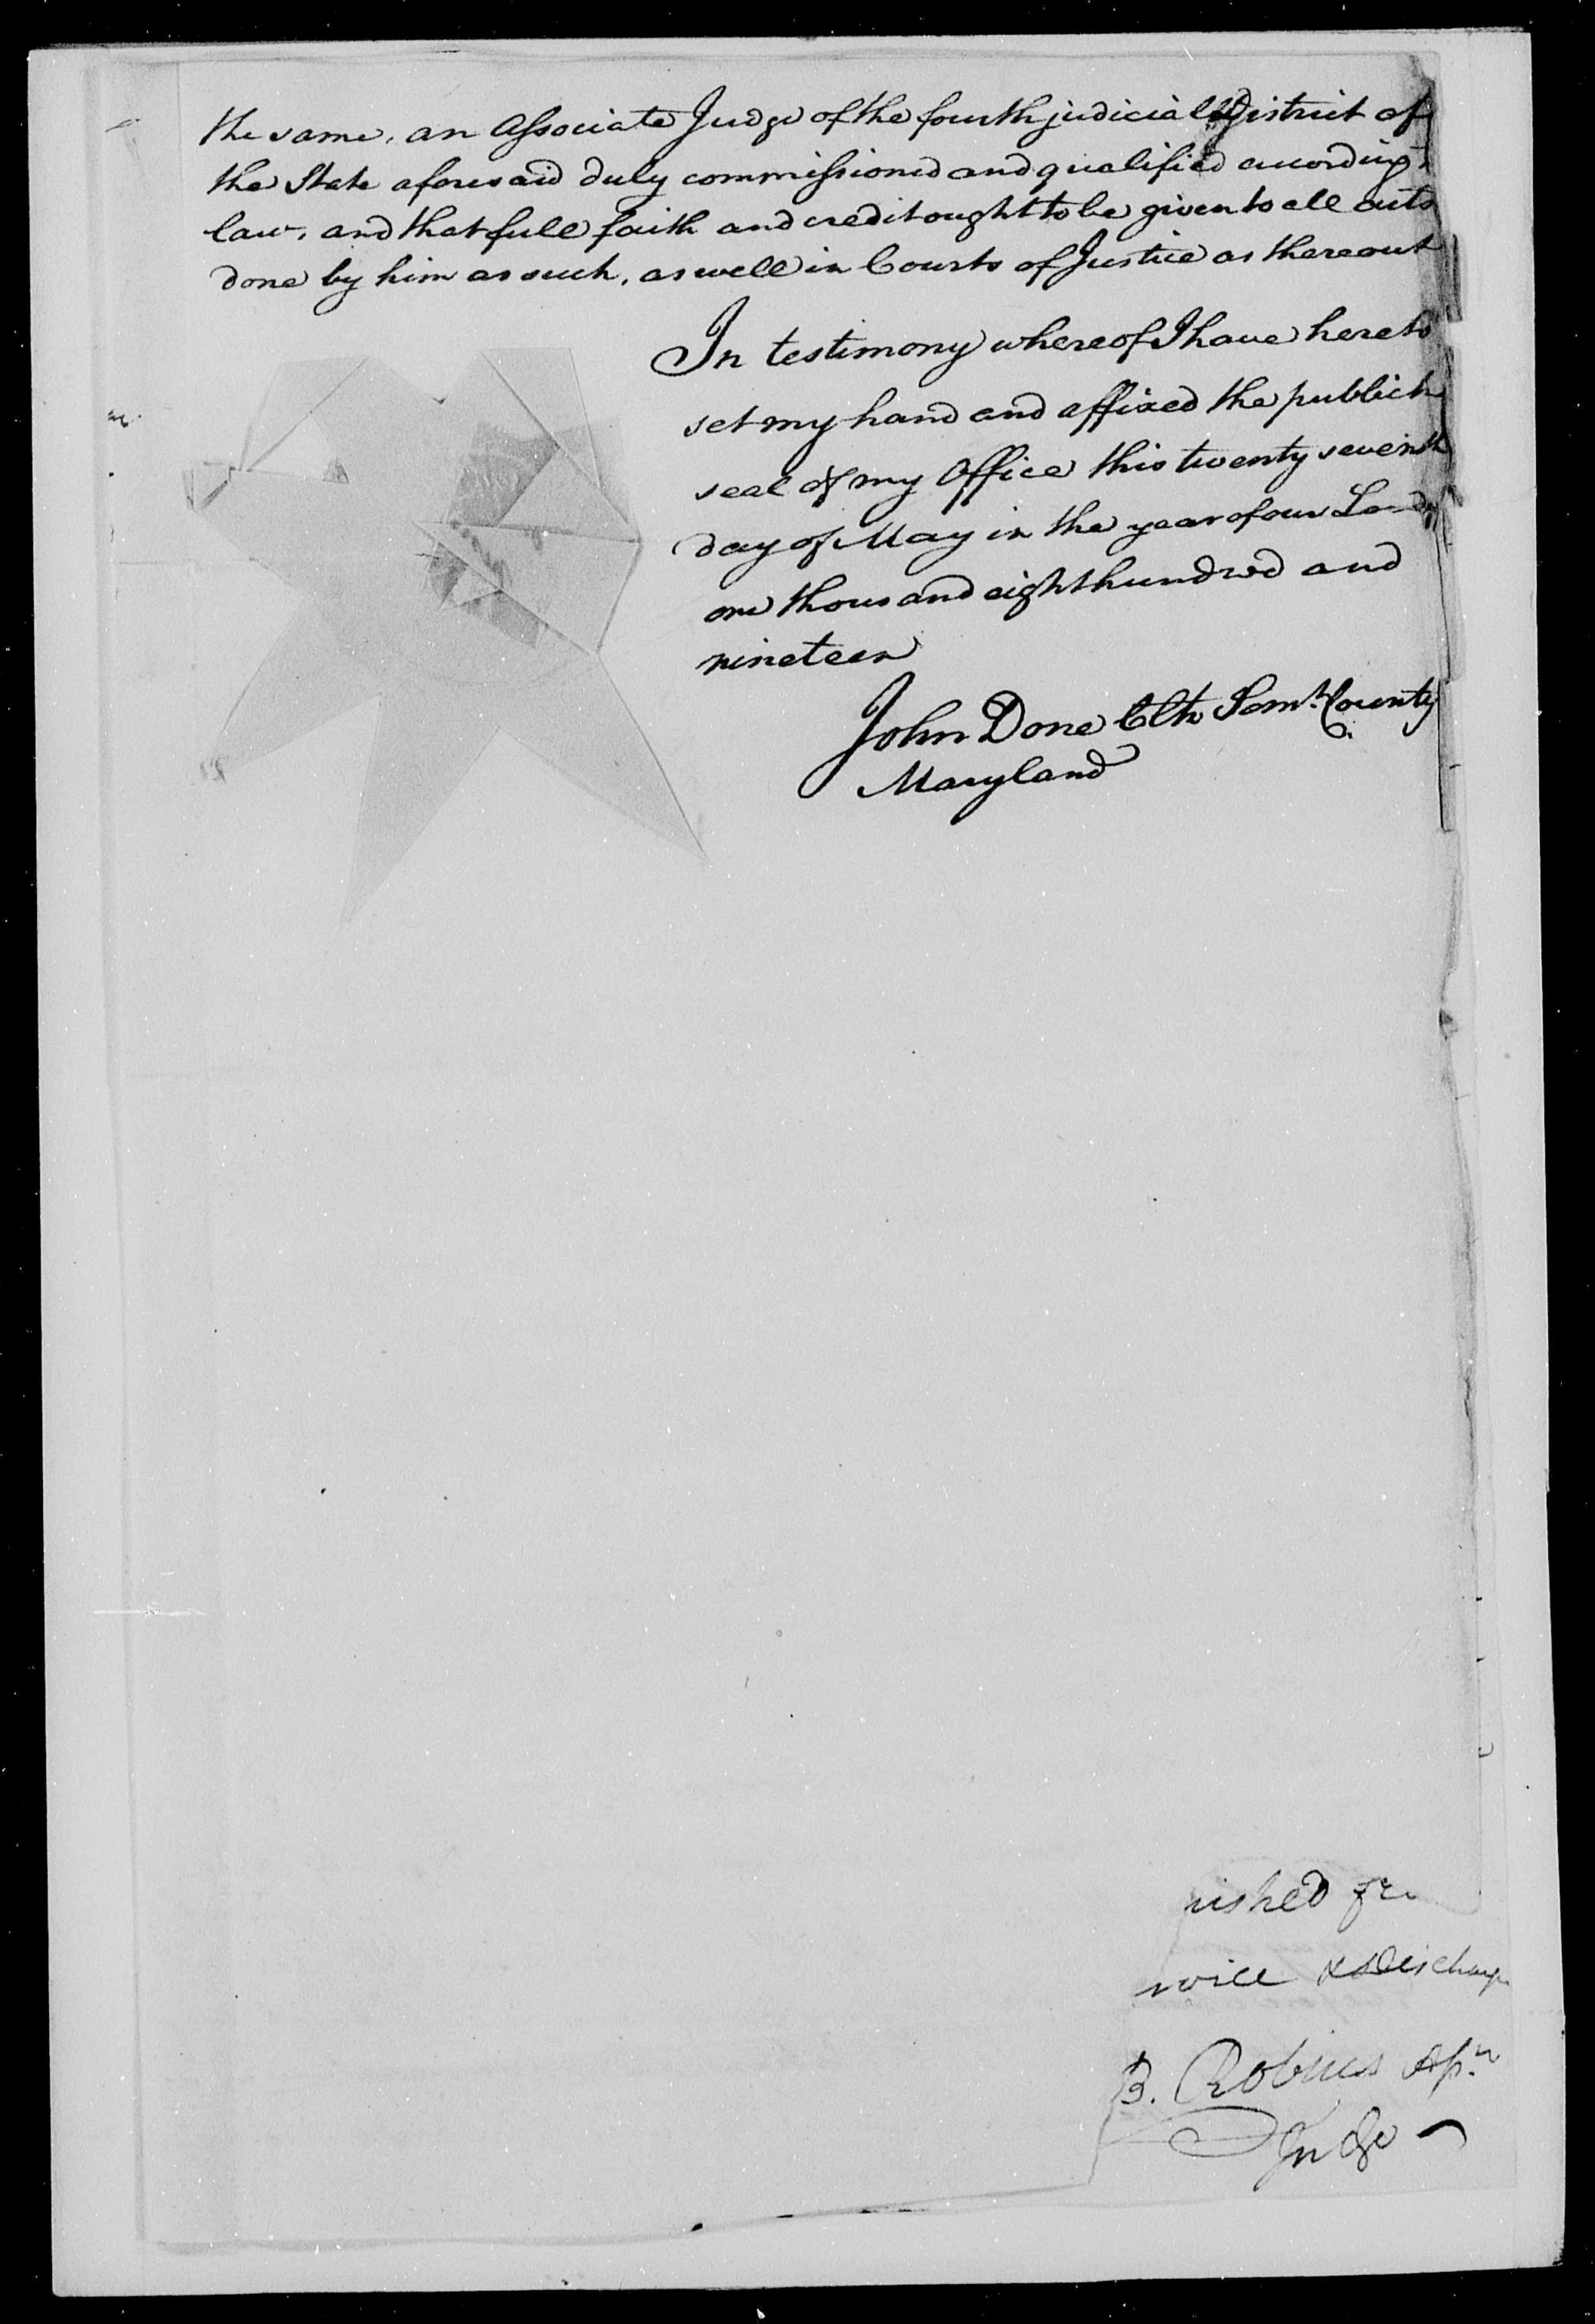the same an associate Judge of the fourth Judicial District of the state aforesaid duly commissioned and qualified according to law and that full faith and credit out to be given to all acts done by him as such as well in court of justice as thereout.

In testimony whereof I have hereto set my hand and affixed the public seal of my office this twenty-seventh day of May in the year of our Lord one thousand eight hundred and nineteen.

John Done
Clerk Somerset County Maryland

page: 11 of 15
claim: survivor's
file: S. 34946, for Cotter Jones, Maryland